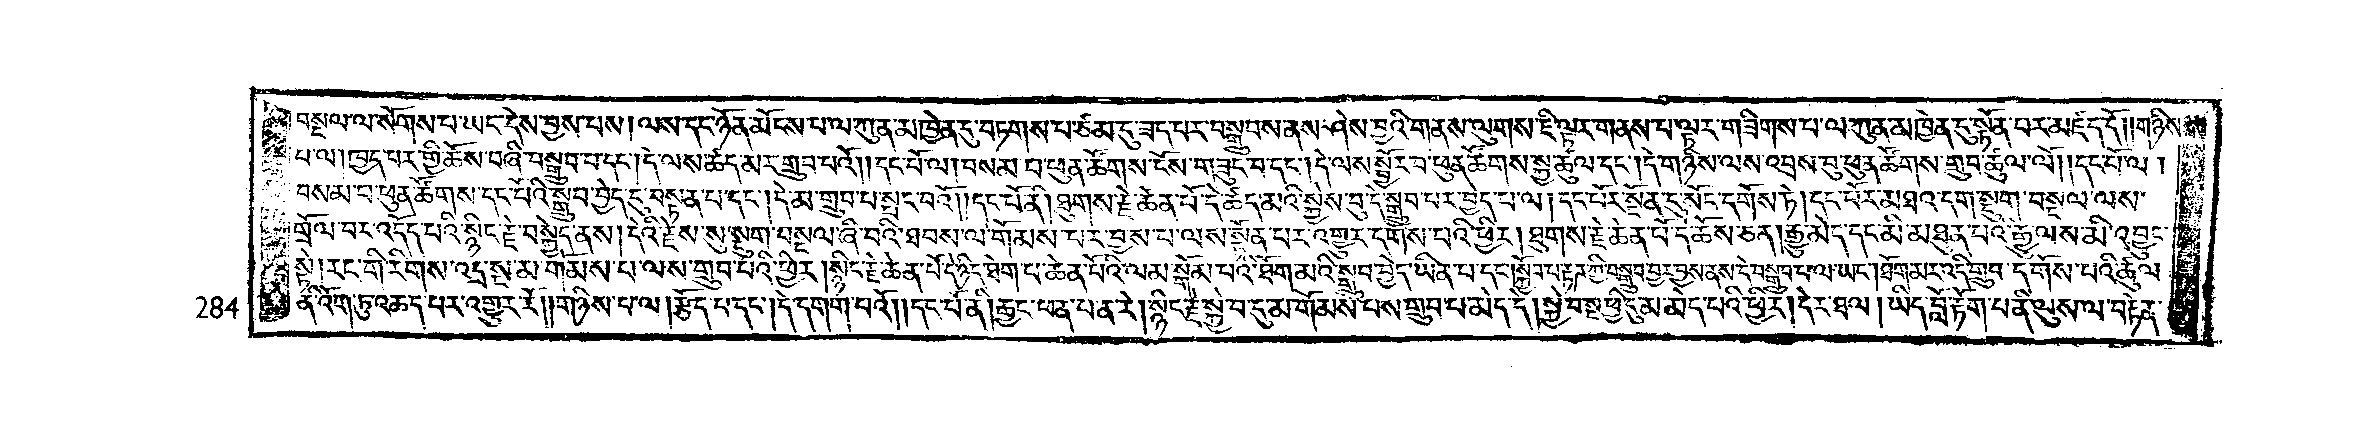བསྔལ་ལ་སོགས་པ་ཡང་དེས་བྱས་པས། ལས་དང་ཉོན་མོངས་པ་ལ་ཀུན་མཁྱེན་དུ་བཏགས་པ་ཙམ་དུ་ཟད་པར་བསྒྲུབས་ནས་ཤེས་བྱའི་གནས་ལུགས་ཇི་ལྟར་གནས་པ་ལྟར་གཟིགས་པ་ལ་ཀུན་མཁྱེན་དུ་སྟོན་པར་མཛད་དོ། །གཉིས་
པ་ལ། ཁྱད་པར་གྱི་ཆོས་བཞི་བསྒྲུབ་པ་དང་། དེ་ལས་ཚད་མར་གྲུབ་པའོ། །དང་པོ་ལ། བསམ་པ་ཕུན་ཚོགས་ངོས་གཟུང་བ་དང་། དེ་ལས་སྦྱོར་བ་ཕུན་ཚོགས་སྐྱེ་?་ཚུལ་དང་། དེ་གཉིས་ལས་འབྲས་བུ་ཕུན་ཚོགས་གྲུབ་ཚུལ་ལོ། །དང་པོ་ལ།
བསམ་པ་ཕུན་ཚོགས་དང་པོའི་སྒྲུབ་བྱེད་དུ་བསྟན་པ་དང་། དེ་མ་གྲུབ་པ་སྤང་བའོ། །དང་པོ་ནི། ཐུགས་རྗེ་ཆེན་པོ་དེ་ཚད་མའི་སྐྱེས་བུ་དེ་སྒྲུབ་པར་བྱེད་པ་ལ། དང་པོར་སྔོན་དུ་སོང་དགོས་ཏེ། དང་པོར་མཐའ་དག་སྡུག་བསྔལ་ལས་
གྲོལ་བར་འདོད་པའི་སྙིང་རྗེ་བསྐྱེད་ནས། དེའི་རྗེས་སུ་སྡུག་བསྔལ་ཞི་བའི་ཐབས་ལ་གོམས་པར་བྱས་པ་ལས་སྟོན་པར་འགྱུར་དགོས་པའི་ཕྱིར། ཐུགས་རྗེ་ཆེན་པོ་དེ་ཆོས་ཅན། རྒྱུ་མེད་དང་མི་མཐུན་པའི་རྒྱུ་ལས་མི་འབྱུང་
སྟེ། རང་གི་རིགས་འདྲ་སྔ་མ་གོམས་པ་ལས་གྲུབ་པའི་ཕྱིར། སྙིང་རྗེ་ཆེན་པོ་དེ་ཉིད་ཐེག་པ་ཆེན་པོའི་ལམ་སྒོམ་པའི་ཐོག་མའི་སྒྲུབ་བྱེད་ཡིན་པ་དང་། སྐྱོབ་པ་རྟཌ་ཀྱི་བསྒྲུབ་བྱར་བྱས་ནས་དེ་བསྒྲུབ་པ་ལ་ཡང་། ཐོག་?་མར་འདི་གྲུབ་དགོས་པའི་ཚུལ་
ནི་འོག་ཏུ་འཆད་པར་འགྱུར་རོ། །གཉིས་པ་ལ། རྩོད་པ་དང་། དེ་དགག་པའོ། །དང་པོ་ནི། རྒྱང་ཕན་པ་ན་རེ། སྙིང་རྗེ་སྐྱེ་བ་དུ་མ་གོམས་པས་གྲུབ་པ་མེད་དེ། སྐྱེ་བ་སྔ་ཕྱི་དུ་མ་མེད་པའི་ཕྱིར། དེར་ཐལ། ཡིད་བློ་རྟོག་པ་ནི་ལུས་ལ་བརྟེན་